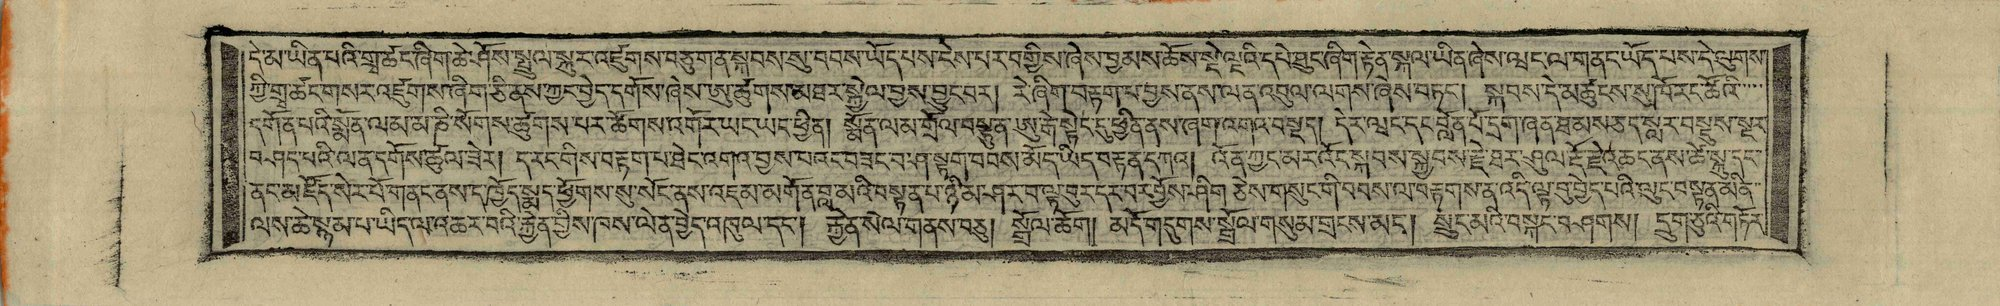དེ་མ་ཡིན་པའི་གྲྭ་ཚང་ཞིག་ཆེ་ཤོས་སྤྲུལ་སྐུར་འཛུགས་བཅུག་ན་སྐབས་སུ་བབས་ཡོད་པས་ངེས་པར་བགྱིས་ཞེས་བྱམས་ཆོས་སྡེ་ལྔའི་དཔེ་ཐུང་ཞིག་རྟེན་སྐལ་ཡིན་ཞེས་ཝང་ལ་གནང་ཡོད་པས་དེ་ལུགས་
ཀྱི་གྲྭ་ཚང་གསར་འཛུགས་ཞིག་ཅི་ནས་ཀྱང་བྱེད་དགོས་ཞེས་ཨུ་ཚུགས་མཐར་སྐྱེལ་བྱས་བྱུང་བར། རེ་ཞིག་བརྟག་པ་བྱས་ནས་ལན་འབུལ་ལགས་ཞེས་བཏང་། སྐབས་དེ་མཚུངས་སུ་ཁོ་རང་ཚོའི་
དགོན་པའི་སྨོན་ལམ་མ་ཎི་སོགས་ཚུགས་པར་ཚོགས་འགོར་ཡང་ཡང་ཕྱིན། སྨོན་ལམ་གྲོལ་བསྟུན་ཨུ་རྒེ་སྟེང་དུ་ཕྱིན་ནས་ཞག་འགའ་བསྡད། དེར་ཝང་དང་བློན་པོ་དྲག་ཞན་ཐམས་ཅད་སླར་བསྡུས་སྔར་
བཤད་པའི་ལན་དགོས་ཚུལ་ཟེར། ད་རང་གིས་བརྟག་པ་ཐེང་འགའ་བྱས་པའང་བཟང་བ་ཤ་སྟག་བབས་མོད་ཡིད་བརྟན་དཀའ། འོན་ཀྱང་མར་འོང་སྐབས་སྐྱབས་རྗེ་ཐར་ཤུལ་རྡོ་རྗེ་འཆང་ནས་ཚེ་སྐུ་དང་
ནང་མཛོད་སེར་པོ་གནང་ནས་ད་ཁྱོད་སྨད་ཕྱོགས་སུ་སོང་ནས་འཇམ་མགོན་བླ་མའི་བསྟན་པ་ཉི་མ་ཤར་བ་ལྟ་བུར་དར་བར་བྱོས་ཤིག་ཅེས་གསུང་གི་བབས་ལ་བརྟགས་ན་འདི་ལྟ་བུ་བྱེད་པའི་ལུང་བསྟན་མིན་
ལས་ཆེ་སྙམ་པ་ཡིད་ལ་འཆར་བའི་རྐྱེན་གྱིས་ཁས་ལེན་བྱེད་འཁུལ་དང་། རྐྱེན་སེལ་གནས་བཅུ། སྒྲོལ་ཆོག །མདོ་གདུགས་སྒྲོལ་གསུམ་གྲངས་མང་། སྲུང་མའི་བསྐང་བཤགས། དྲུག་ཅུའི་གཏོར་